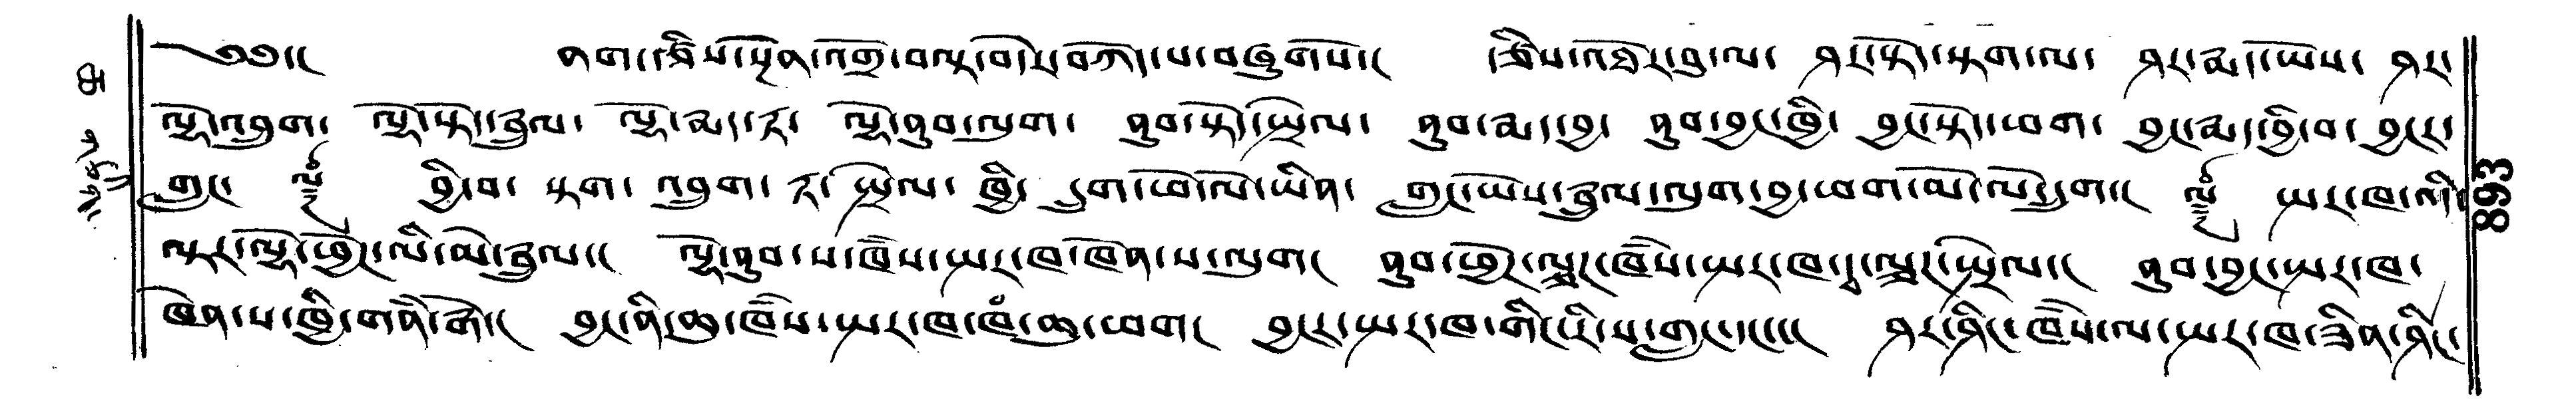༄༅། ནག་རྩིས་སྔོན་འགྲོ་བལྟ་བདེར་བཀོད་པ་བཞུགས་སོ། རྩིས་འཐོར་བུ་ལ། ཤར་སྟོད་སྟག་ལ། ཤར་སྨད་ཡོས། ཤར་
ལྷོ་འབྲུག ལྷོ་སྟོད་སྦྲུལ། ལྷོ་སྨད་རྟ། ལྷོ་ནུབ་ལུག ནུབ་སྟོད་སྤྲེལ། ནུབ་སྨད་བྱ། ནུབ་བྱང་ཁྱི། བྱང་སྟོད་ཕག བྱང་སྨད་བྱི་བ། བྱང་ཤར་
གླང་། ༈ བྱི་བ་སྟག་འབྲུག་རྟ་སྤྲེལ་ཁྱི་དྲུག་ཕོ་ལོ་ཡིན། གླང་ཡོས་སྦྲུལ་ལུག་བྱ་ཕག་མོ་ལོ་དྲུག ༈ སྤར་ཁ་འདི་
ལྟར་ལྷོ་ཕྱོགས་ལི་མེ་སྦྲུལ། །ལྷོ་ནུབ་ས་ཁམས་སྤར་ཁ་ཁོན་ས་ལུག ནུབ་ཕྱོགས་ལྕགས་ཁམས་སྤར་ཁ་དྭ་ལྕགས་སྤྲེལ། །ནུབ་བྱང་སྤར་ཁ་
ཁེན་ས་ཁྱི་གནམ་སྒོ། །བྱང་ནི་ཆུ་ཁམས་སྤར་ཁ་ཁཾ་ཆུ་ཕག །བྱང་ཤར་སྤར་ཁ་གིང་རི་ས་གླང་དང་། །ཤར་ཤིང་ཁམས་ལ་སྤར་ཁ་ཟིན་ཤིང་